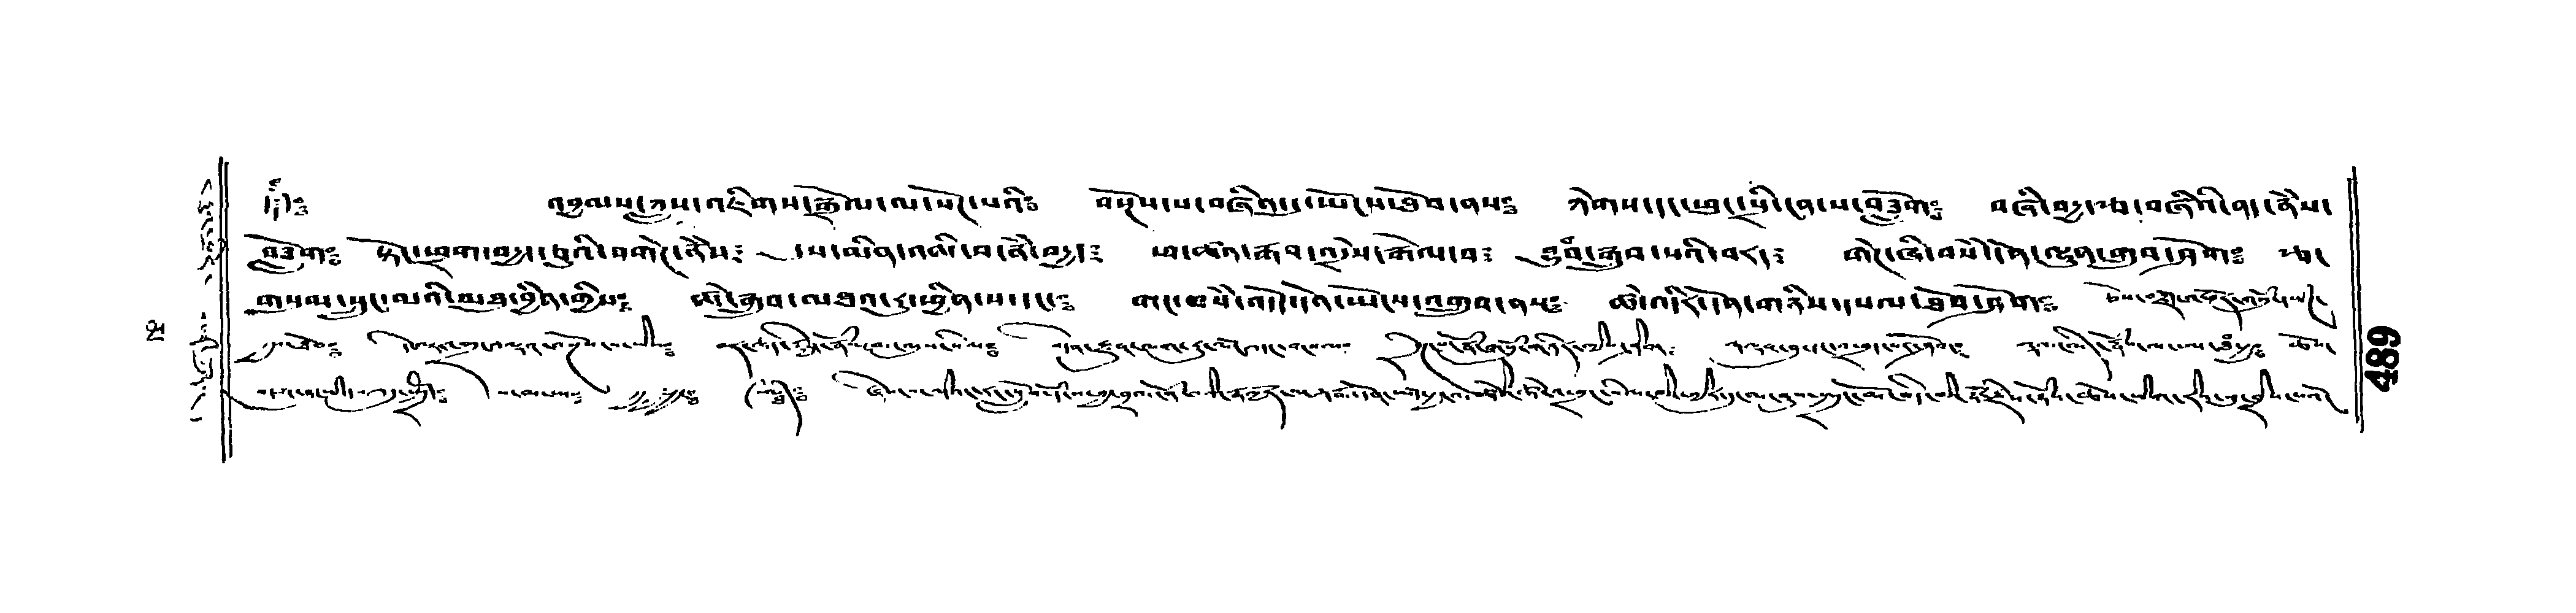འབྱམས་ཀླས་འཇིགས་སྒྲོལ་ལ་སོགས་པའི༔ བསྔོས་པ་བཞིན་དུ་ཡོངས་ཐོབ་ནས༔ ཀེག་དང་ཕུང་སྲི་ངན་པ་བཟློག༔ བཞི་བརྒྱད་རྩ་བཞིའི་ནད་རྣམས་
བཟློག༔ སྟོང་ཕྲག་བརྒྱ་ཅུའི་བགེགས་རྣམས༴ དུས་མིན་འཆི་བ་རྣམ་བརྒྱད༴ ཕ་ཚན་རྒབ་འདྲེས་རྒོལ་བ༴ བྱང་ཆུབ་སྒྲུབ་པའི་བར་ཆད༴ གེགས་ཞི་བསམ་དོན་ལྷུན་གྲུབ་ཤོག༔ རྩ་
གསུམ་སྲུང་མའི་མཐུ་བྱིན་གྱིས༔ཚེ་སྒྲུབ་མཐའ་རུ་ཕྱིན་པ་དང༔ གང་བསམ་འདོད་དོན་ཡོངས་འགྲུབ་ནས༔ ཚེ་འདིར་དོན་གཉིས་དཔལ་ཐོབ་ཤོག༔ ཅེས་བརྗོད་འཁོར་གསུམ་དམིགས་
རྒྱས་ཐོབ༔ དེ་ལྟར་གྲངས་ལྡན་བསྔོས་པ་ཡིས༔ བར་ཆད་རྐྱེན་རྣམས་མ་ལུས་སེལ༔ བདེན་རྫུན་ལག་ཏུ་ལོངས་དང་གསལ༔ དྲེགས་པ་རྣམ་གསུམ་གཉེར་གྱིས་ཤིག༔ སྐལ་ལྡན་བུ་དང་འཕྲད་པར་ཤོག༔ སྐལ་མེད་རྣམས་ལ་ཨ་ཐཾ་རྒྱ༔ ཆོས་
བདག་བུ་ཡི་དཔལ་དུ་སྤྲོད༔ ས་མ་ཡ༔ རྒྱ་རྒྱ་རྒྱ༔ ༔ ཞེས་པ་འདིའང་རང་སློབ་དམ་པ་བྱ་བྲལ་ནམ་མཁའི་རྣལ་འབྱོར་པ་ཀརྨ་དོན་ཡོད་རྒྱ་མཚོའི་ཚེ་འཕྲང་སེལ་བའི་ཕྱིར་དུ་མ་ནུས་སྤྲང་མོ་བདེ་བའི་རྡོ་རྗེས་ཉམས་ཆོས་ཡིག་རིས་སུ་བྲིས་པའོ།།